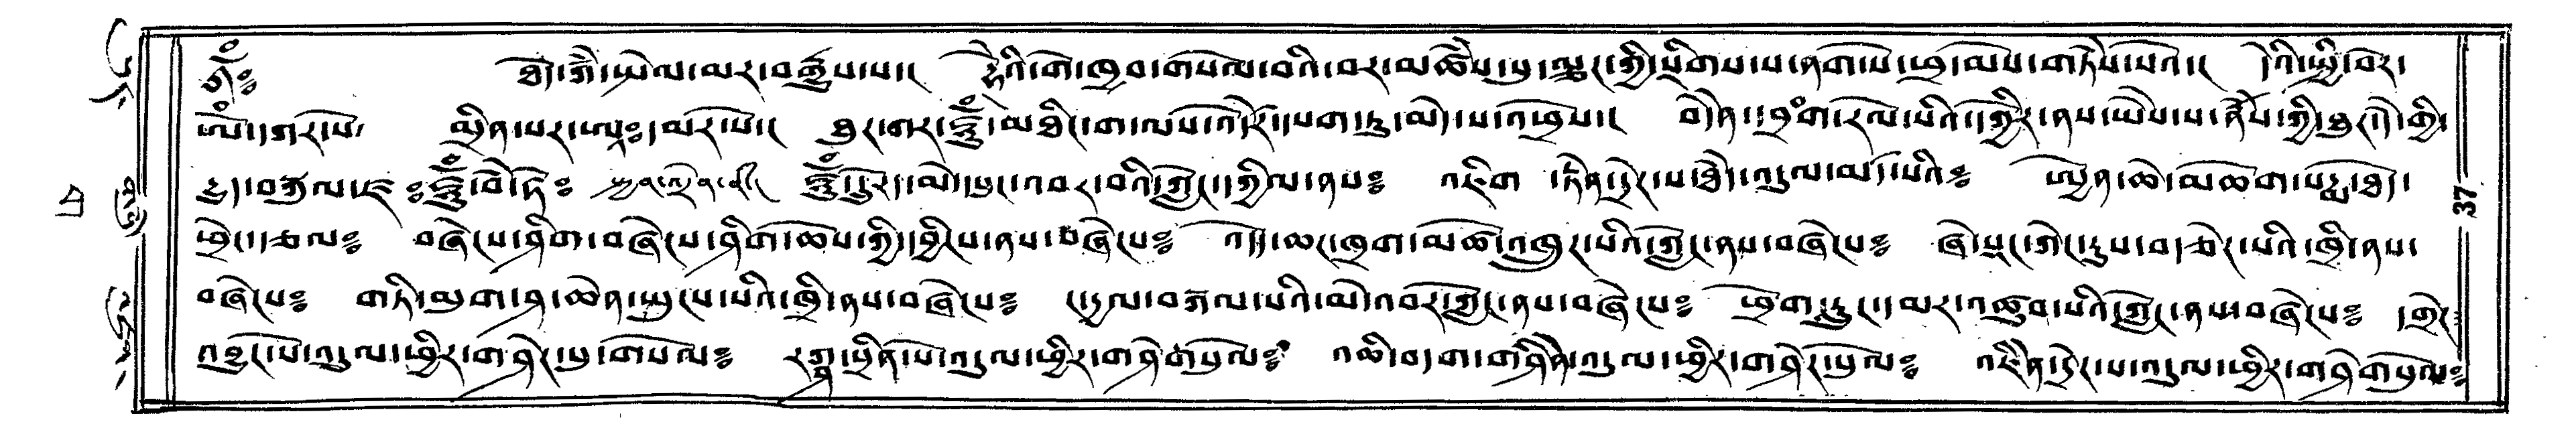ཐོད་སྐམ་སྤེལ་མར་བརྒྱུས་པ། རྡོ་རྗེའི་གོ་ཁྲབ་གསོལ་བའི་བར་མཚམས་སུ་ལྕགས་ཀྱི་སྡིག་པ་ནག་པོ་ཕྲ་མོས་གཏམས་པའོ། དེའི་སྤྱི་བོར་
ཨོཾ་དཀར་པོ། མགྲིན་པར་ཨཱཿདམར་པོ། ཐུགས་ཀར་ཧཱུྃ་མཐིང་ག་ལས་འོད་ཟེར་དཔག་ཏུ་མེད་པ་འཕྲོས། བདེ་ཆེན་དབང་དྲག་རོལ་པའི་དཀྱིལ་འཁོར་ནས་ཡེ་ཤེས་པ་རྣམས་ཀྱི་ཐུགས་དམ་གྱི་
རྒྱུད་བསྐུལ་ཛ་ཧཱུྃ་བྃ་ཧོ༔ སྤྱན་འདྲེན་ནི། ཧཱུྃ༔དུར་ཁྲོད་མེ་དཔུང་འབར་བའི་ཀློང་དཀྱིལ་ནས༔ འཇིག་རྟེན་དྲེགས་པ་ཐམས་ཅད་འདུལ་མཛད་པཿ ཨོ་རྒྱན་ཆེ་མཆོག་པདྨ་ཐོད་
ཕྲེང་རྩལ༔ བཞེངས་ཤིག་བཞེངས་ཤིག་ཆོས་ཀྱི་དབྱིངས་ནས་བཞེངས༔ འདོད་ཆགས་ཁྲག་མཚོ་འཁྲུགས་པའི་ཀློང་ནས་བཞེངས༔ ཞེ་སྡང་ཀེང་རུས་བརྩེགས་པའི་ཁྲི་ནས་
བཞེངས༔ གཏི་མུག་ཤ་ཆེན་སྤུངས་པའི་ཁྲི་ནས་བཞེངས༔ང་རྒྱལ་བསྐལ་པའི་མེ་འབར་ཀློང་ནས་བཞེངས༔ ཕྲག་དོག་རླུང་དམར་འཚུབས་པའི་ཀློང་ནས་བཞེངས༔ དགྲ་བགཻགས་
འབྱུང་པོ་འདུལ་ཕྱིར་གཤེགས་སུ་གསོལ༔ རཀྴ་སྲིན་པོ་འདུལ་ཕྱིར་གཤེགས་སུ་གསོལ༔ འཆི་བདག་གཤིན་རྗེ་འདུལ་ཕྱིར་གཤེགས་སུ་གསོལ༔ འཇིག་རྟེན་དྲེགས་པ་འདུལ་ཕྱིར་གཤེགས་སུ་གསོལ༔